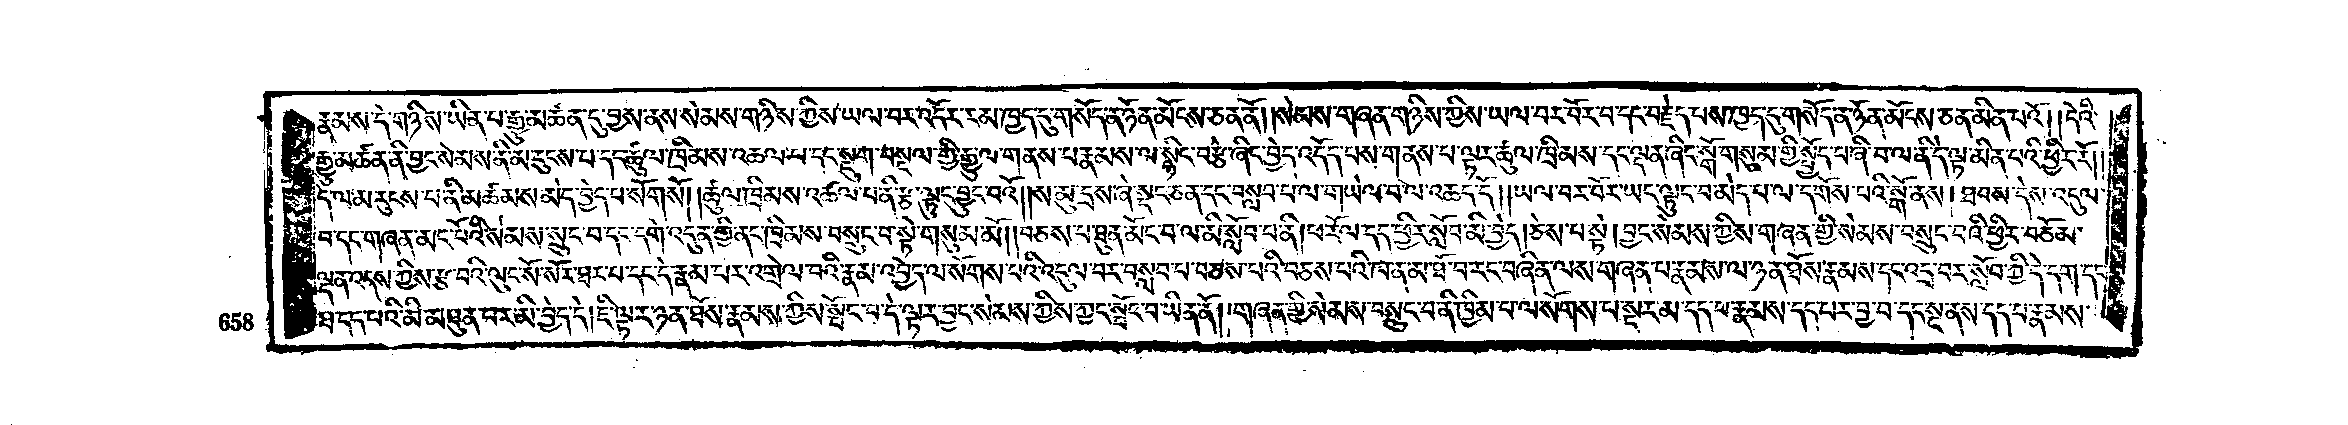རྣམས་དེ་གཉིས་ཡིན་པ་རྒྱུ་མཚན་དུ་བྱས་ནས་སེམས་གཉིས་ཀྱིས་ཡལ་བར་འདོར་རམ་ཁྱད་དུ་གསོད་ན་ཉོན་མོངས་ཅན་ནོ། །སེམས་གཞན་གཉིས་ཀྱིས་ཡལ་བར་བོར་བ་དང་བརྗེད་པས་ཁྱད་དུ་གསོད་ན་ཉོན་མོངས་ཅན་མིན་པའོ། །དེའི་
རྒྱུ་མཚན་ནི་བྱང་སེམས་ནི་མ་རུངས་པ་དང་ཚུལ་ཁྲིམས་འཆལ་པ་དང་སྡུག་བསྔལ་གྱི་རྒྱུ་ལ་གནས་པ་རྣམས་ལ་སྙིང་བརྩེ་ཞིང་བྱེད་འདོད་པས་གནས་པ་ལྟར་ཚུལ་ཁྲིམས་དང་ལྡན་ཞིང་སྒོ་གསུམ་གྱི་སྤྱོད་པ་ཞི་བ་ལ་ནི་དེ་ལྟ་མིན་པའི་ཕྱིར་རོ། །
དེ་ལ་མ་རུངས་པ་ནི་མཚམས་མེད་བྱེད་པ་སོགས་སོ། །ཚུལ་ཁྲིམས་འཚལ་པ་ནི་རྩ་ལྟུང་བྱུང་བའོ། །ས་མུ་དྲས་ཞེ་སྡང་ཅན་དང་བསླབ་པ་ལ་གཡེལ་བ་ལ་འཆད་དོ། །ཡལ་བར་བོར་ཡང་ལྟུང་བ་མེད་པ་ལ་དགོས་པའི་སྒོ་ནས། ཐབས་དེས་འདུལ་
བ་དང་གཞན་མང་པོའི་སེམས་སྲུང་བ་དང་དགེ་འདུན་གྱི་ནང་ཁྲིམས་བསྲུང་བ་སྟེ་གསུམ་མོ། །བཅས་པ་ཐུན་མོང་བ་ལ་མི་སློབ་པ་ནི། ཕ་རོལ་དད་ཕྱིར་སློབ་མི་བྱེད། ཅེས་པ་སྟེ། བྱང་སེམས་ཀྱིས་གཞན་གྱི་སེམས་བསྲུང་བའི་ཕྱིར་བཅོམ་
ལྡན་འདས་ཀྱིས་རྩ་བའི་ལུང་སོ་སོར་ཐར་པ་དང་དེ་རྣམ་པར་འགྲེལ་བའི་རྣམ་འབྱེད་ལ་སོགས་པའི་འདུལ་བར་བསླབ་པ་བཅས་པའི་བཅས་པའི་ཁ་ན་མ་ཐོ་བ་རང་བཞིན་ལས་གཞན་པ་རྣམས་ལ་ཉན་ཐོས་རྣམས་དང་འདྲ་བར་སློབ་ཀྱི་དེ་དག་དང་
ཐ་དད་པའི་མི་མཐུན་པར་མི་བྱེད་དེ། ཇི་ལྟར་ཉན་ཐོས་རྣམས་ཀྱིས་སྤོང་བ་དེ་ལྟར་བྱང་སེམས་ཀྱིས་ཀྱང་སྤོང་བ་ཡིན་ནོ། །གཞན་གྱི་སེམས་བསྲུང་བ་ནི་ཁྱིམ་པ་ལ་སོགས་པ་སྔར་མ་དད་པ་རྣམས་དད་པར་བྱ་བ་དང་སྔ་ནས་དད་པ་རྣམས་